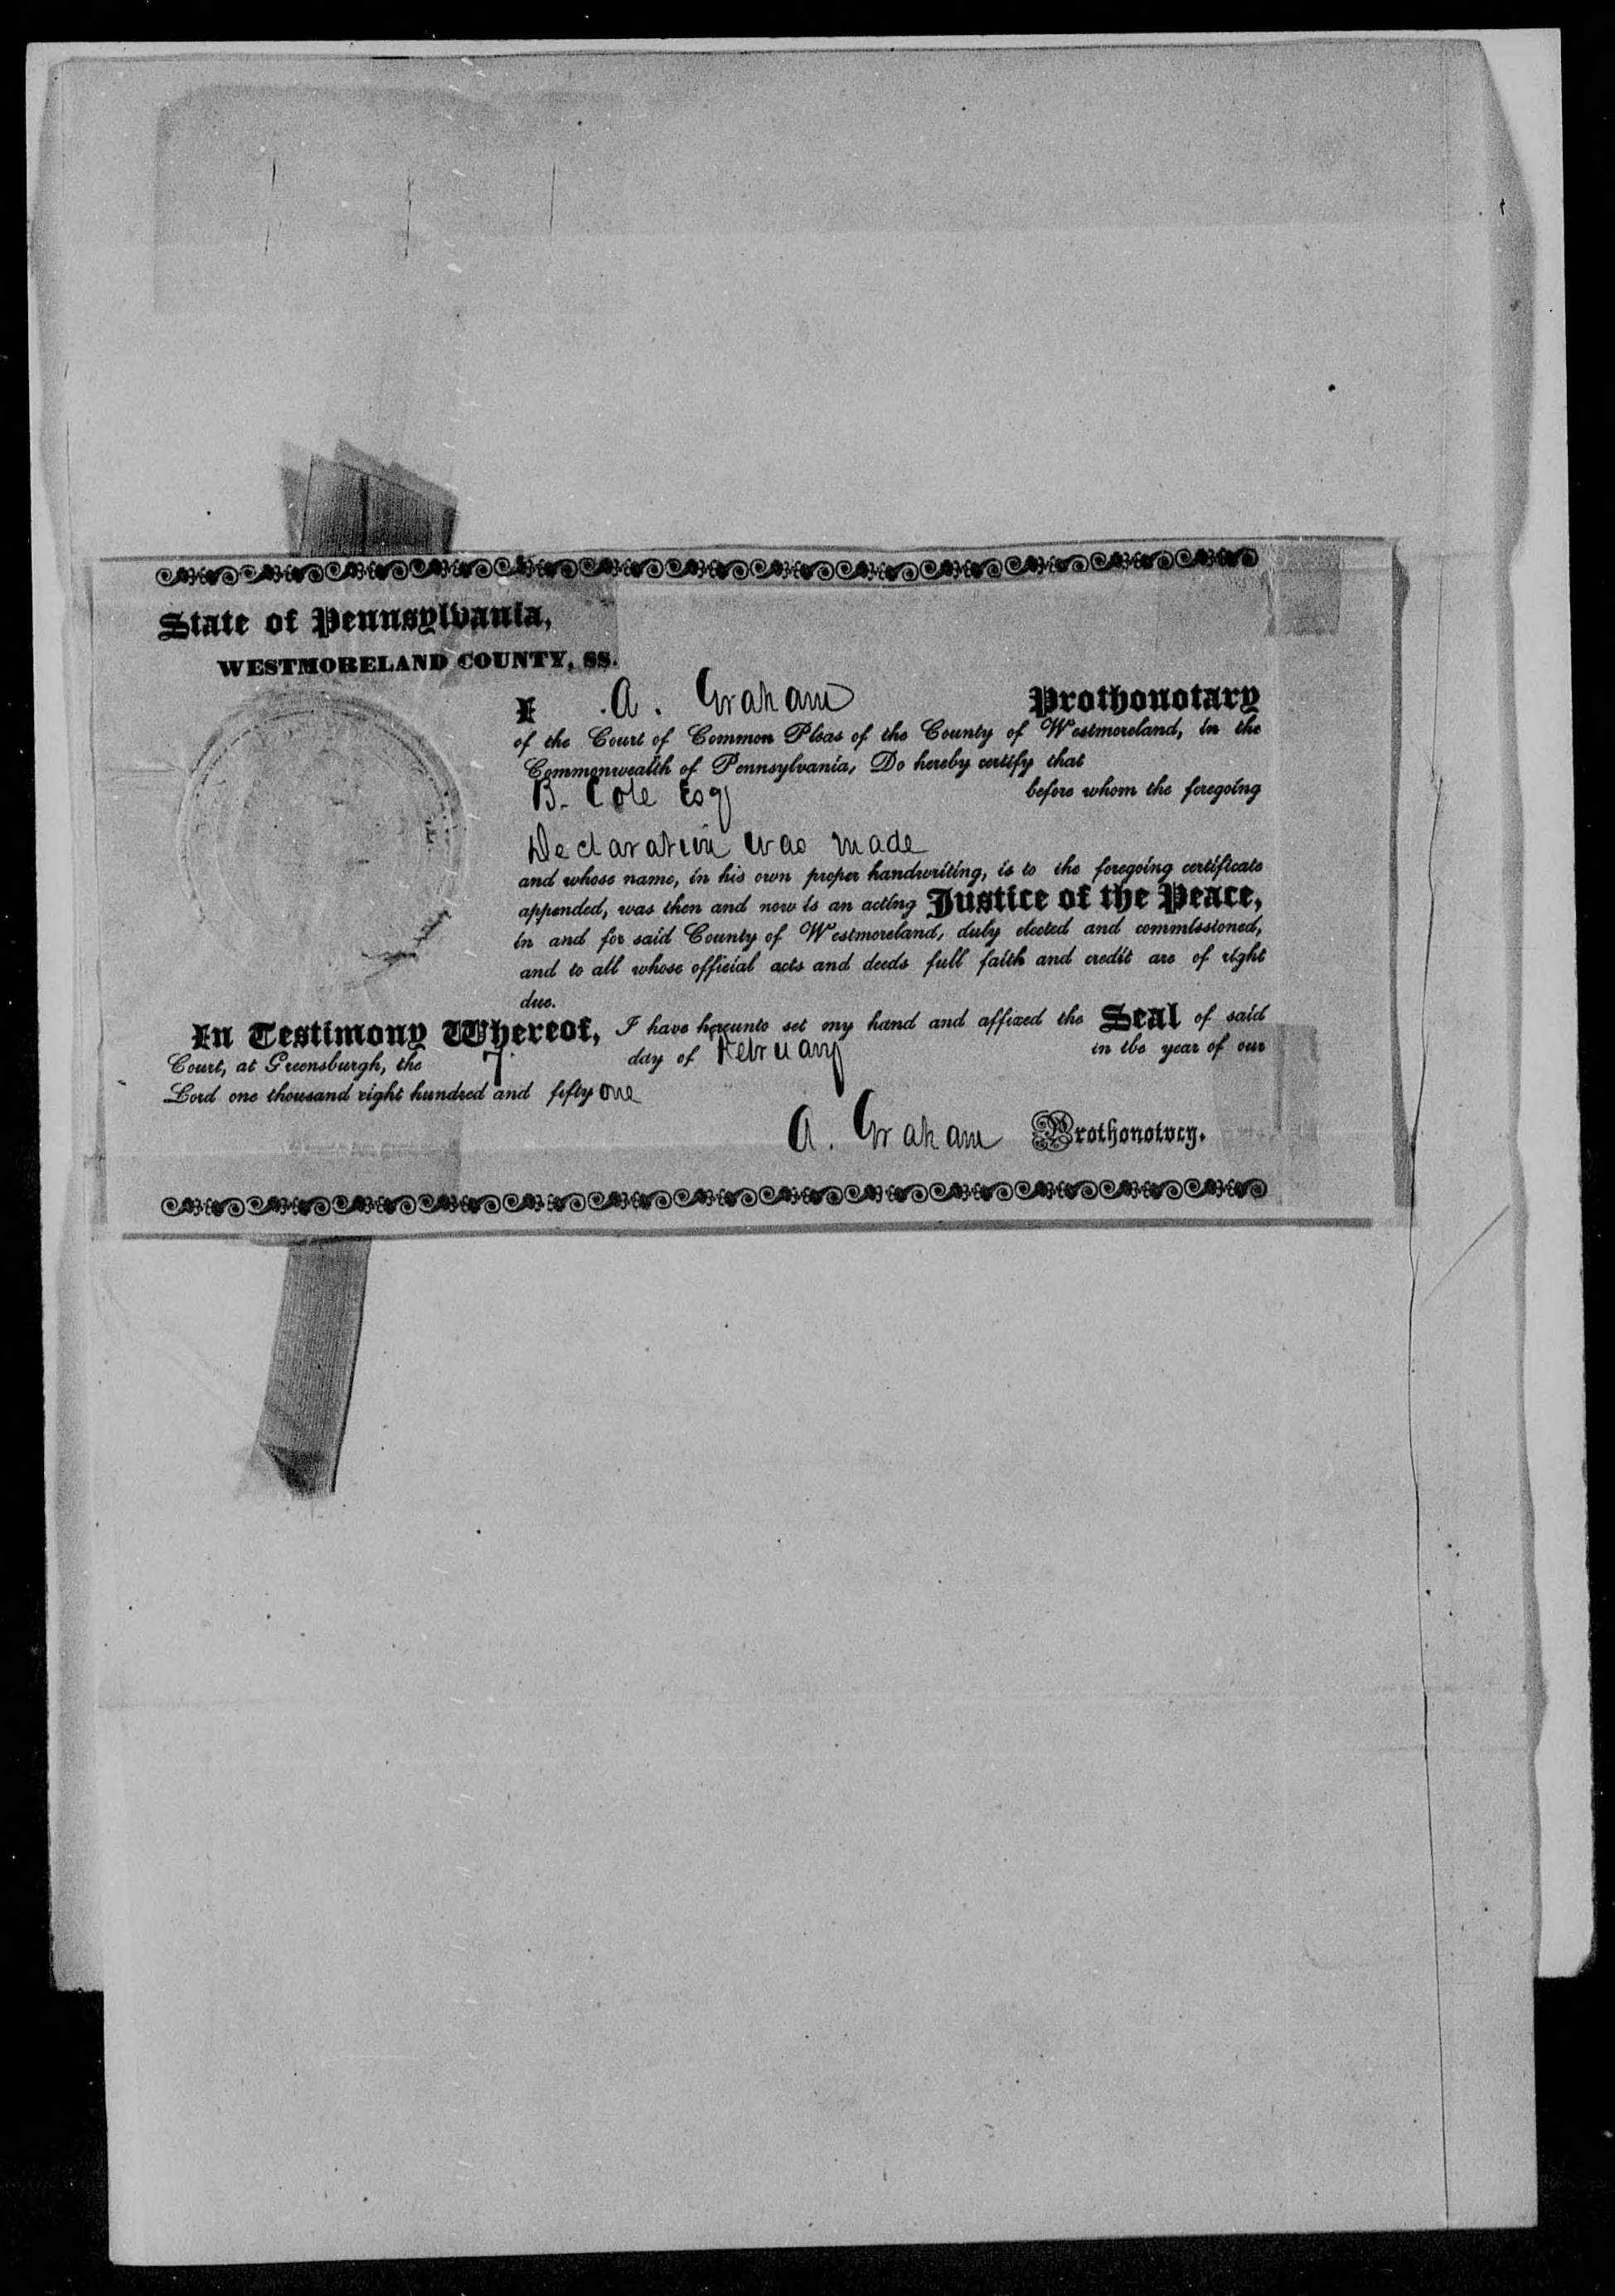STATE OF PENNSYLVANIA
WESTMORELAND COUNTY

A Graham PROTHONOTARY of the Court of Common Pleas of Westmoreland, in the Commonwealth of Pennsylvania, Do hereby certify that B. Cole, Esq. before whom the foregoing declaration was made and whose name, in his own proper handwriting, is to the foregoing certificate appended, was then and now to an acting JUSTICE OF THE PEACE, in and for said County of Westmoreland, duly elected and commissioned and to all whose official acts and deeds full faith and credit are of right due.

IN TESTIMONY WHERE OF, I have hereunto set my hand and affixed the SEAL of said Court, at Greensburgh, the 7 day of February in the year of our Lord one thousand eight hundred and fifty-one.

A. Graham  Prothonotary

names: B Cole, A Graham, A Graham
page: 28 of 92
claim: widow's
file: W 1173, Robert Hamill, Penn.